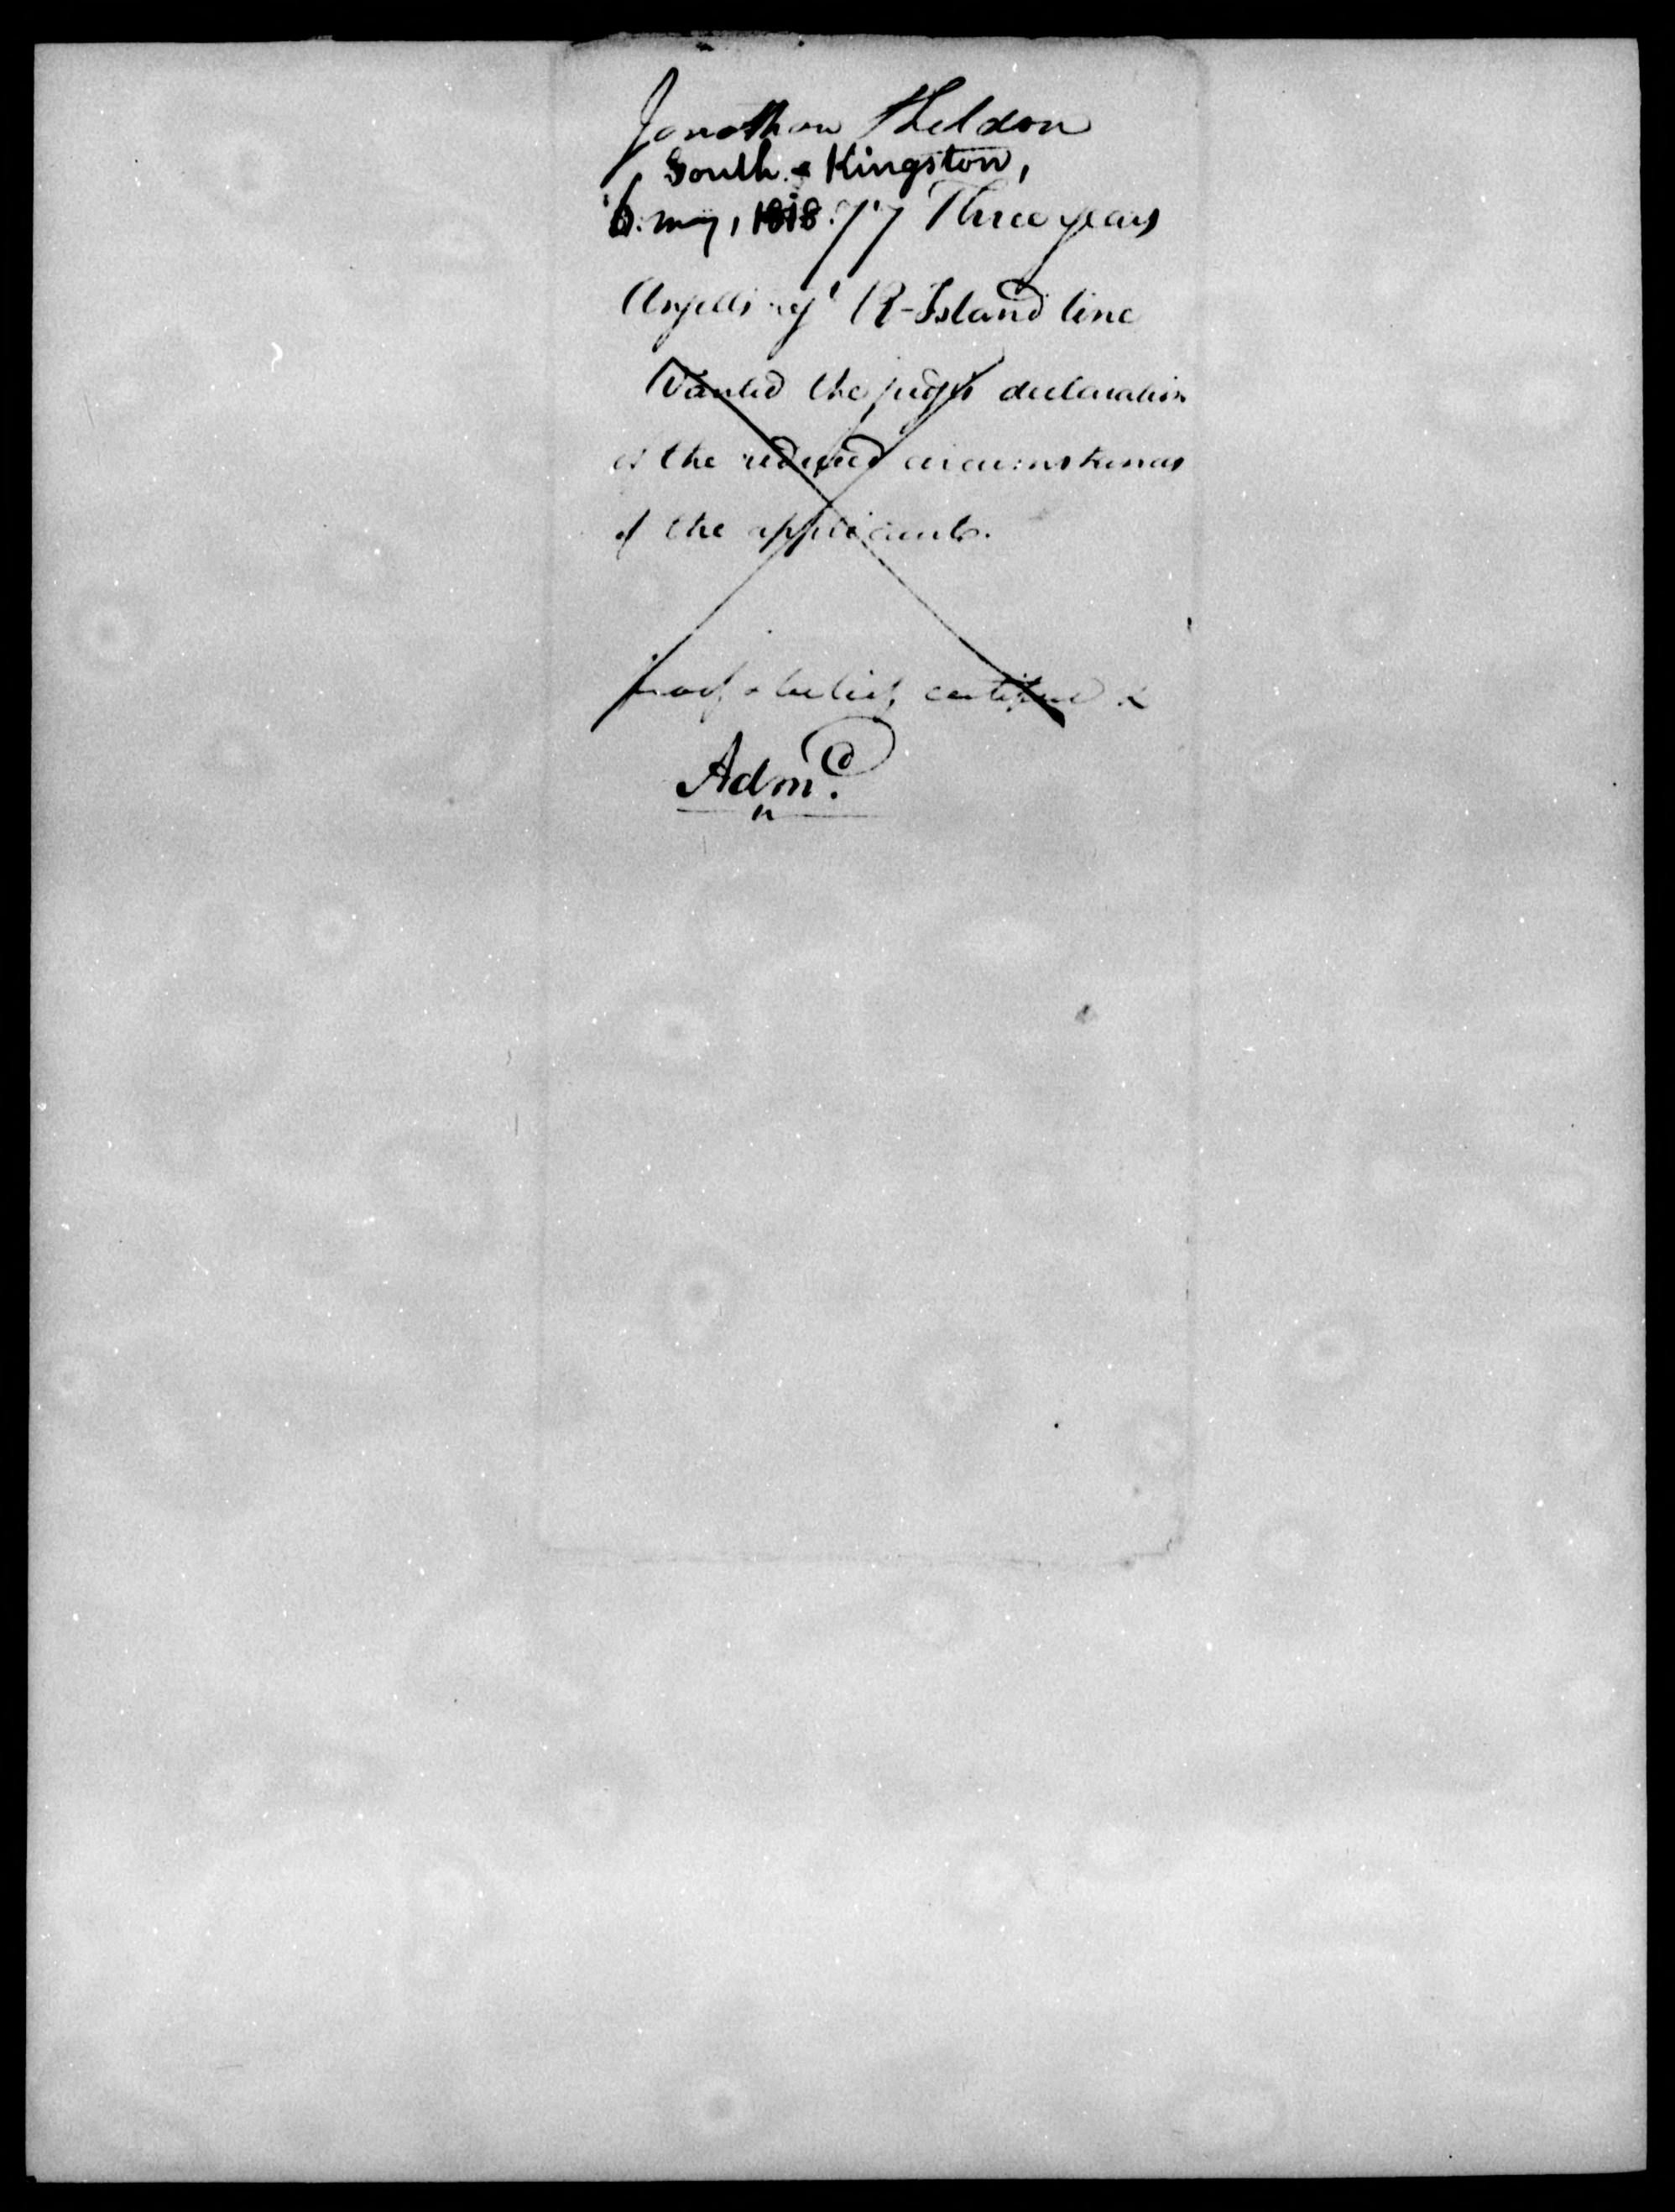Jonathan Sheldon
South Kingston, 
6. May, 1818. 77  Three years
Angells reg R-Island line

[A large X over everything below]

[illegible] the judges declaration as the 
[illegible] circumstances of the applicants.

[illegible] & belief certified 
Adm.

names: Jonathan Sheldon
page: 7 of 11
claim: survivor's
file: S. 39840, for Jonathan Sheldon, Rhode Island